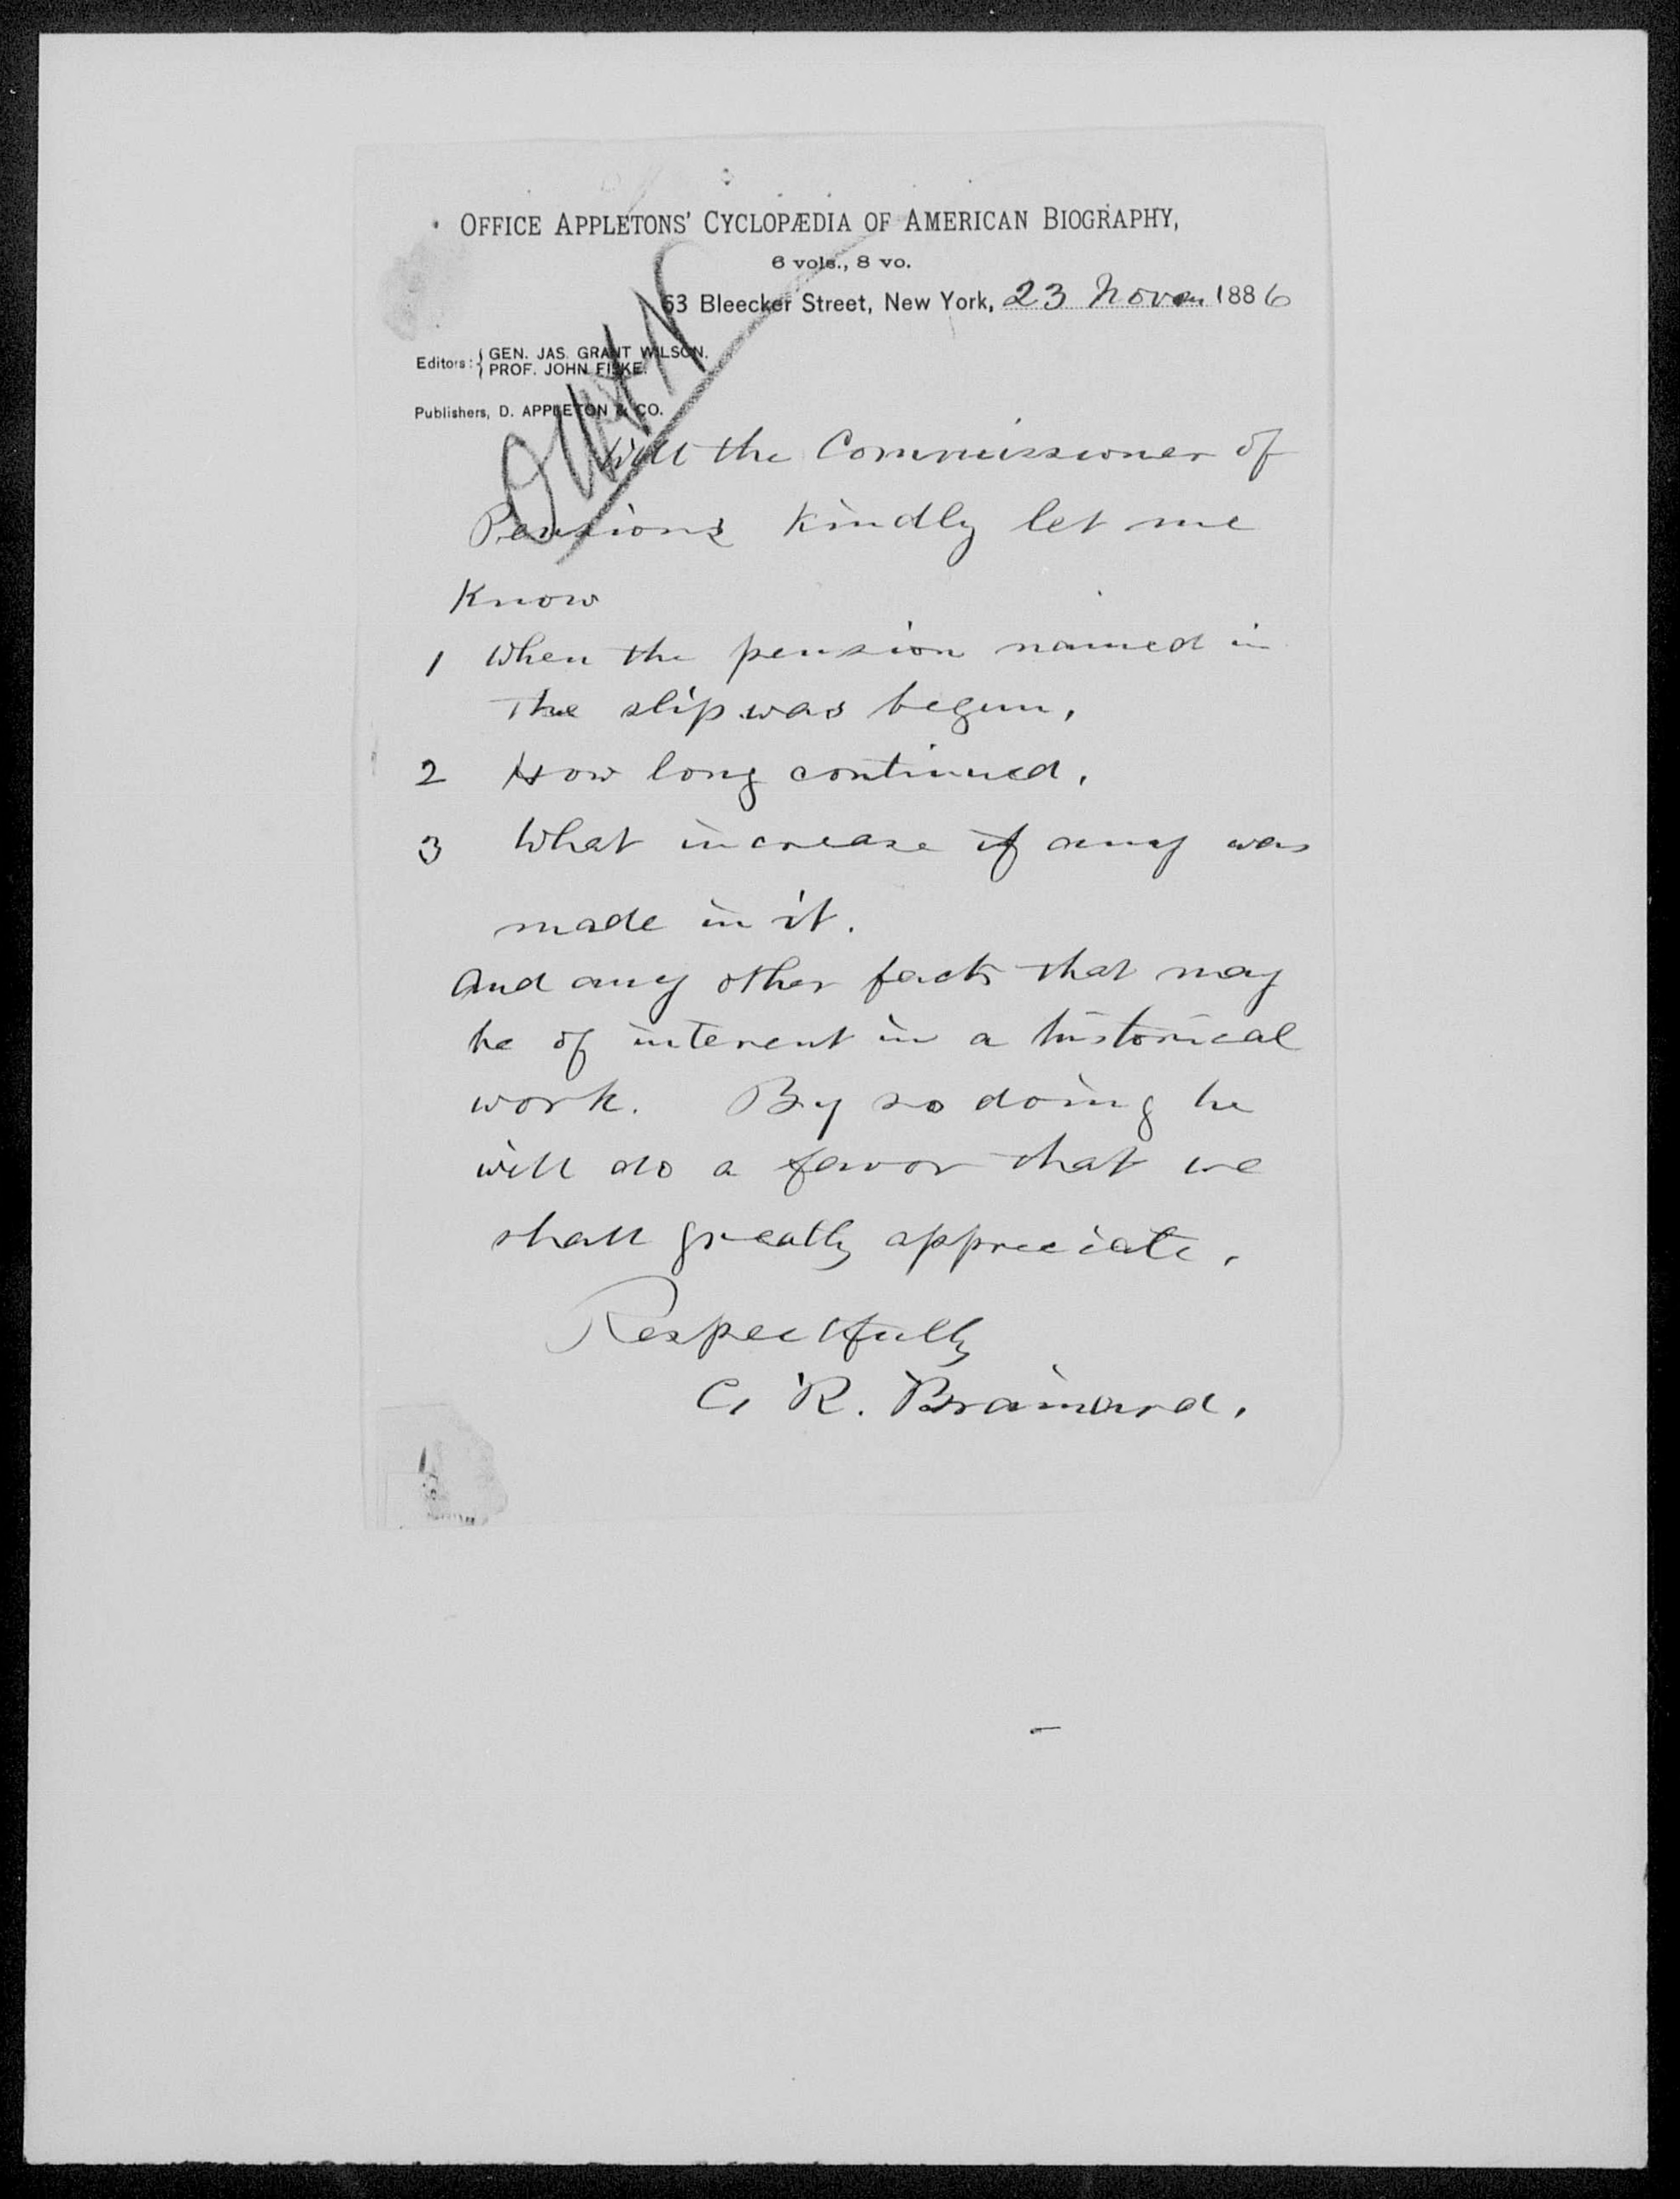OFFICE APPLETONS CYCLOPEDIA OF AMERICAN BIOGRAPHY 
6 vols., 8 vo.
63 Bleecker Street, New York, 23 Nov 1886
Editors{GEN. JAS. GRANT WILSON
              PROF. JOHN FIKE
Publishers, D. APPLETON & CO.
Will the Commissioner of Pensioners kindly let me know
1. When the pension named in the slip was begun.
2. How long continued 
3. What increase if any was made in it.
And any other fact that may be of interest in a historical work. By so doing he will do a favor that we shall greatly appreciate.
Respectfully 
C. R. Brainward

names: D Appleton, John Fiske, G R Brainard, Jas Grant Wilson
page: 44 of 56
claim: survivor's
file: S. 40,055, Samuel Downing, N.H.